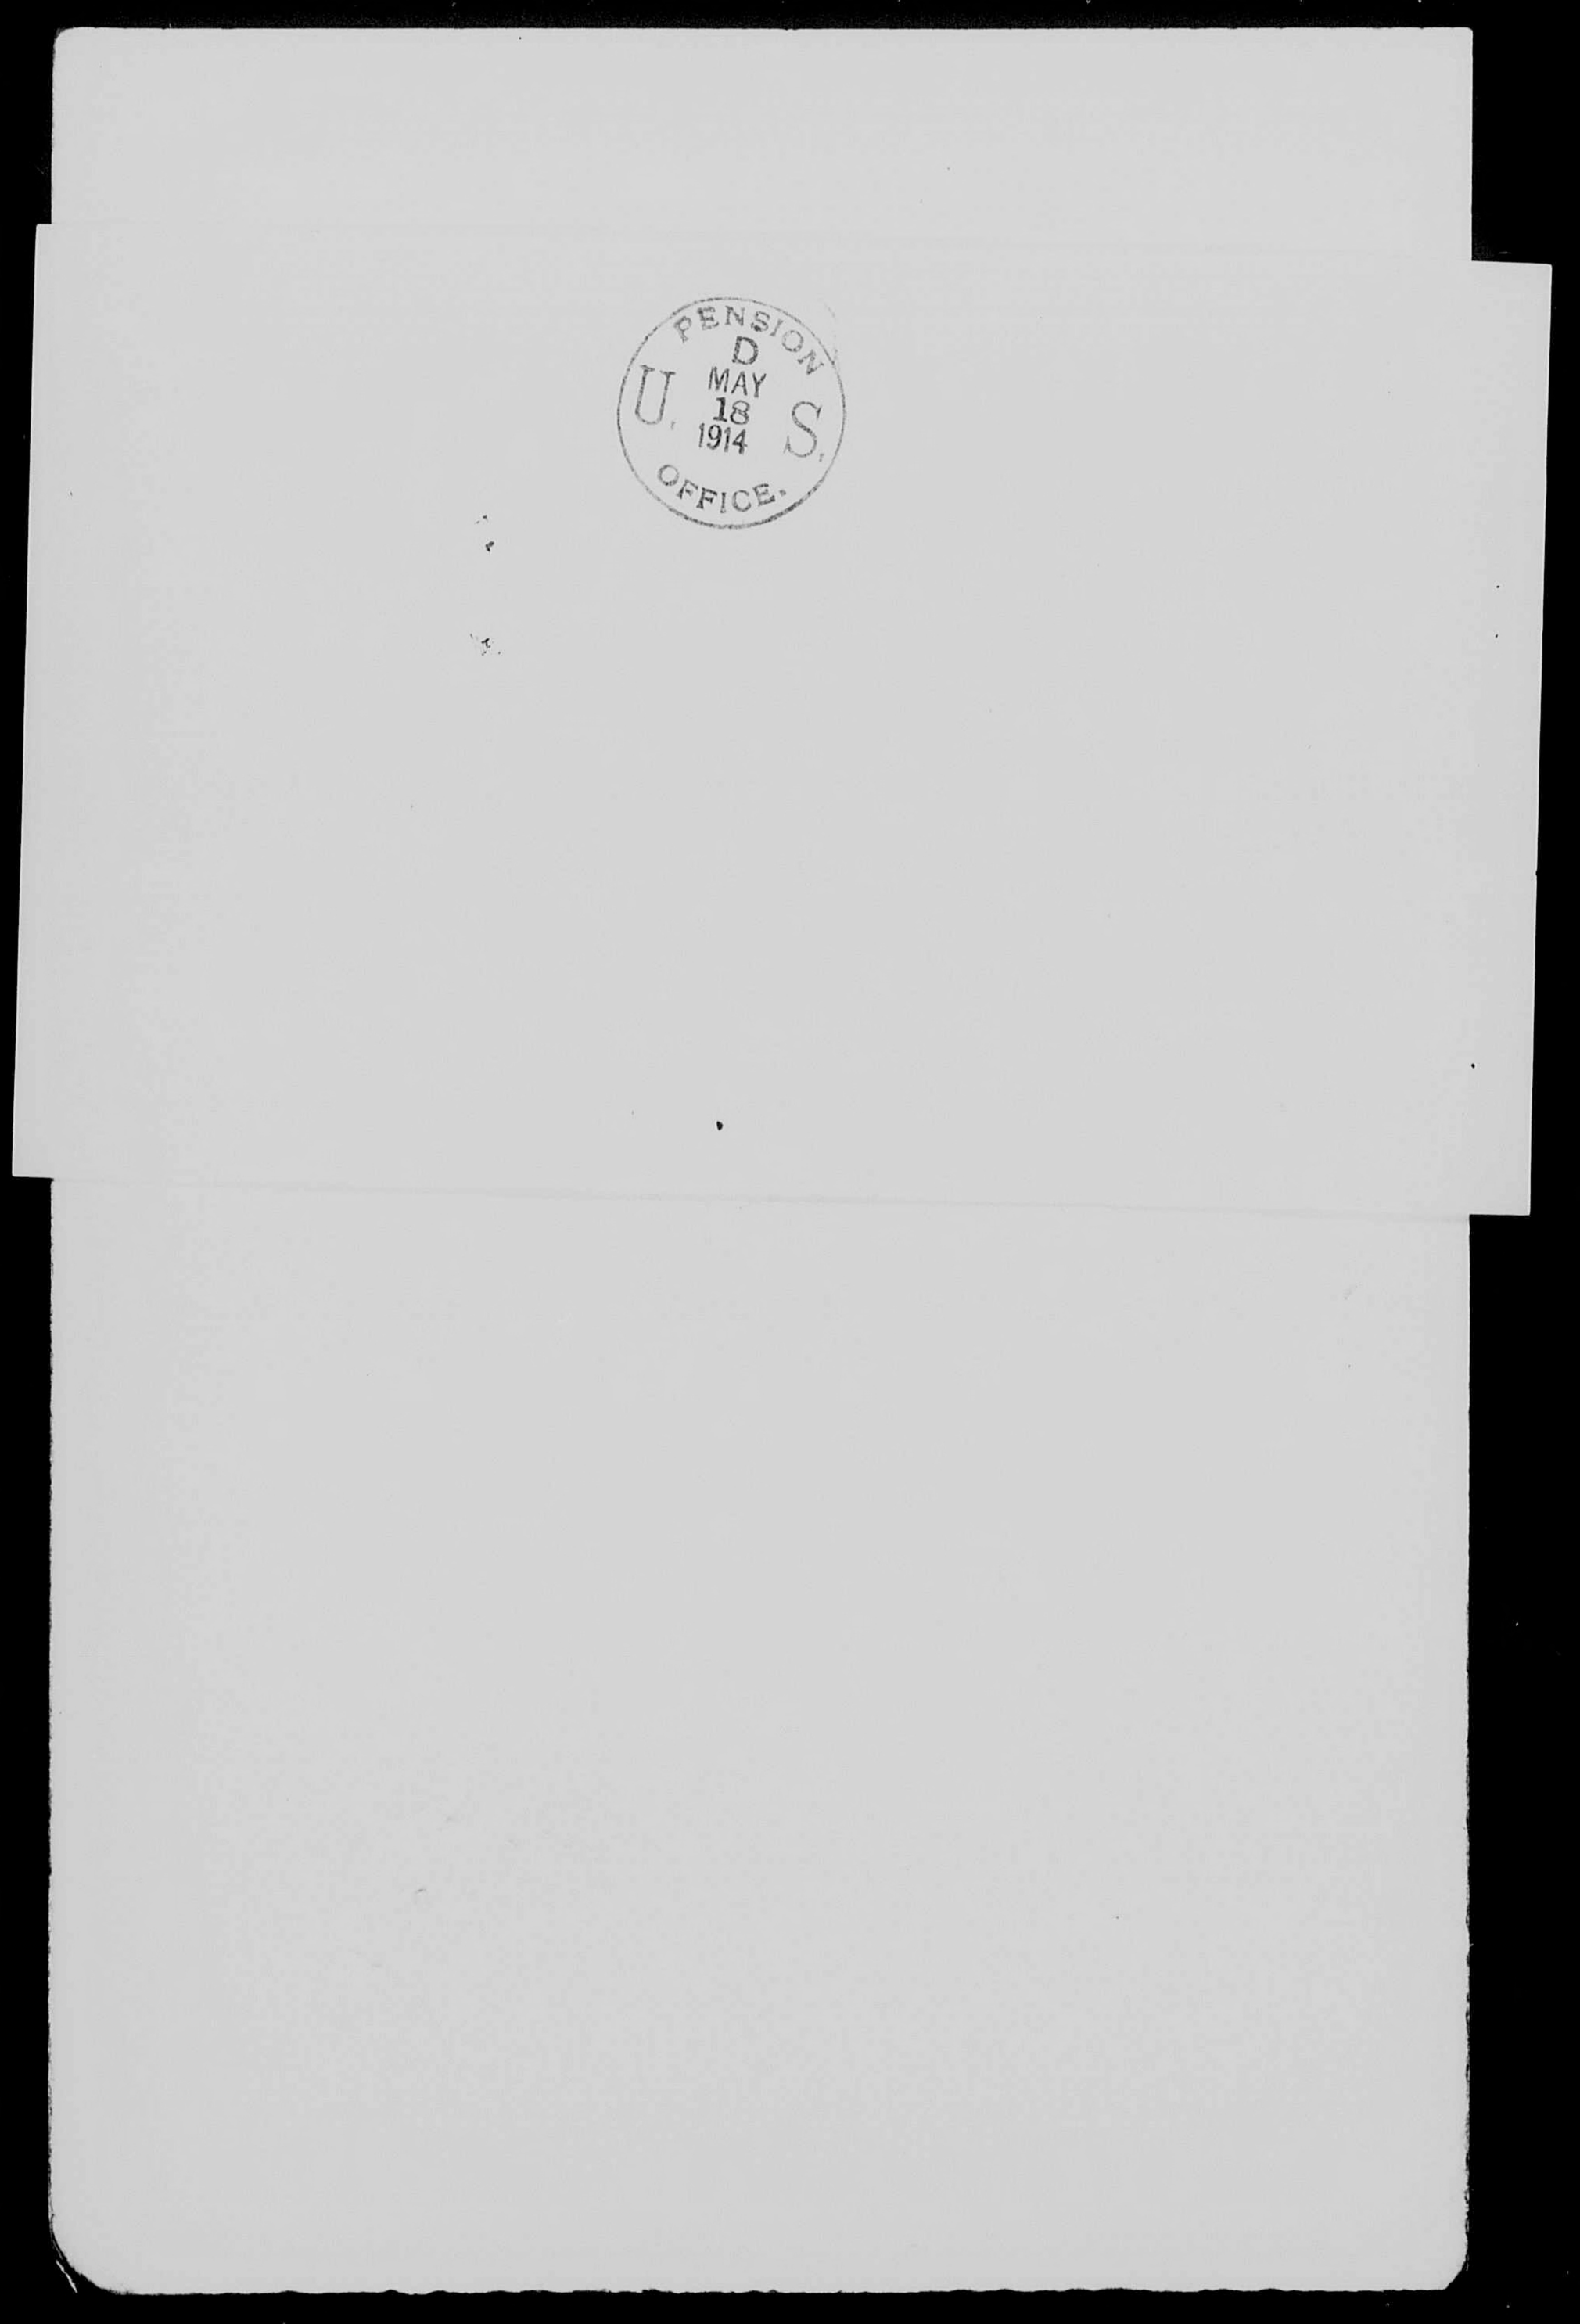[stamp]
U. S. PENSION OFFICE.
D
MAY 18 1914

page: 31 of 34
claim: survivor's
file: S. 39981, Judah Benjamin, Continental (N. H. And N. Y.)